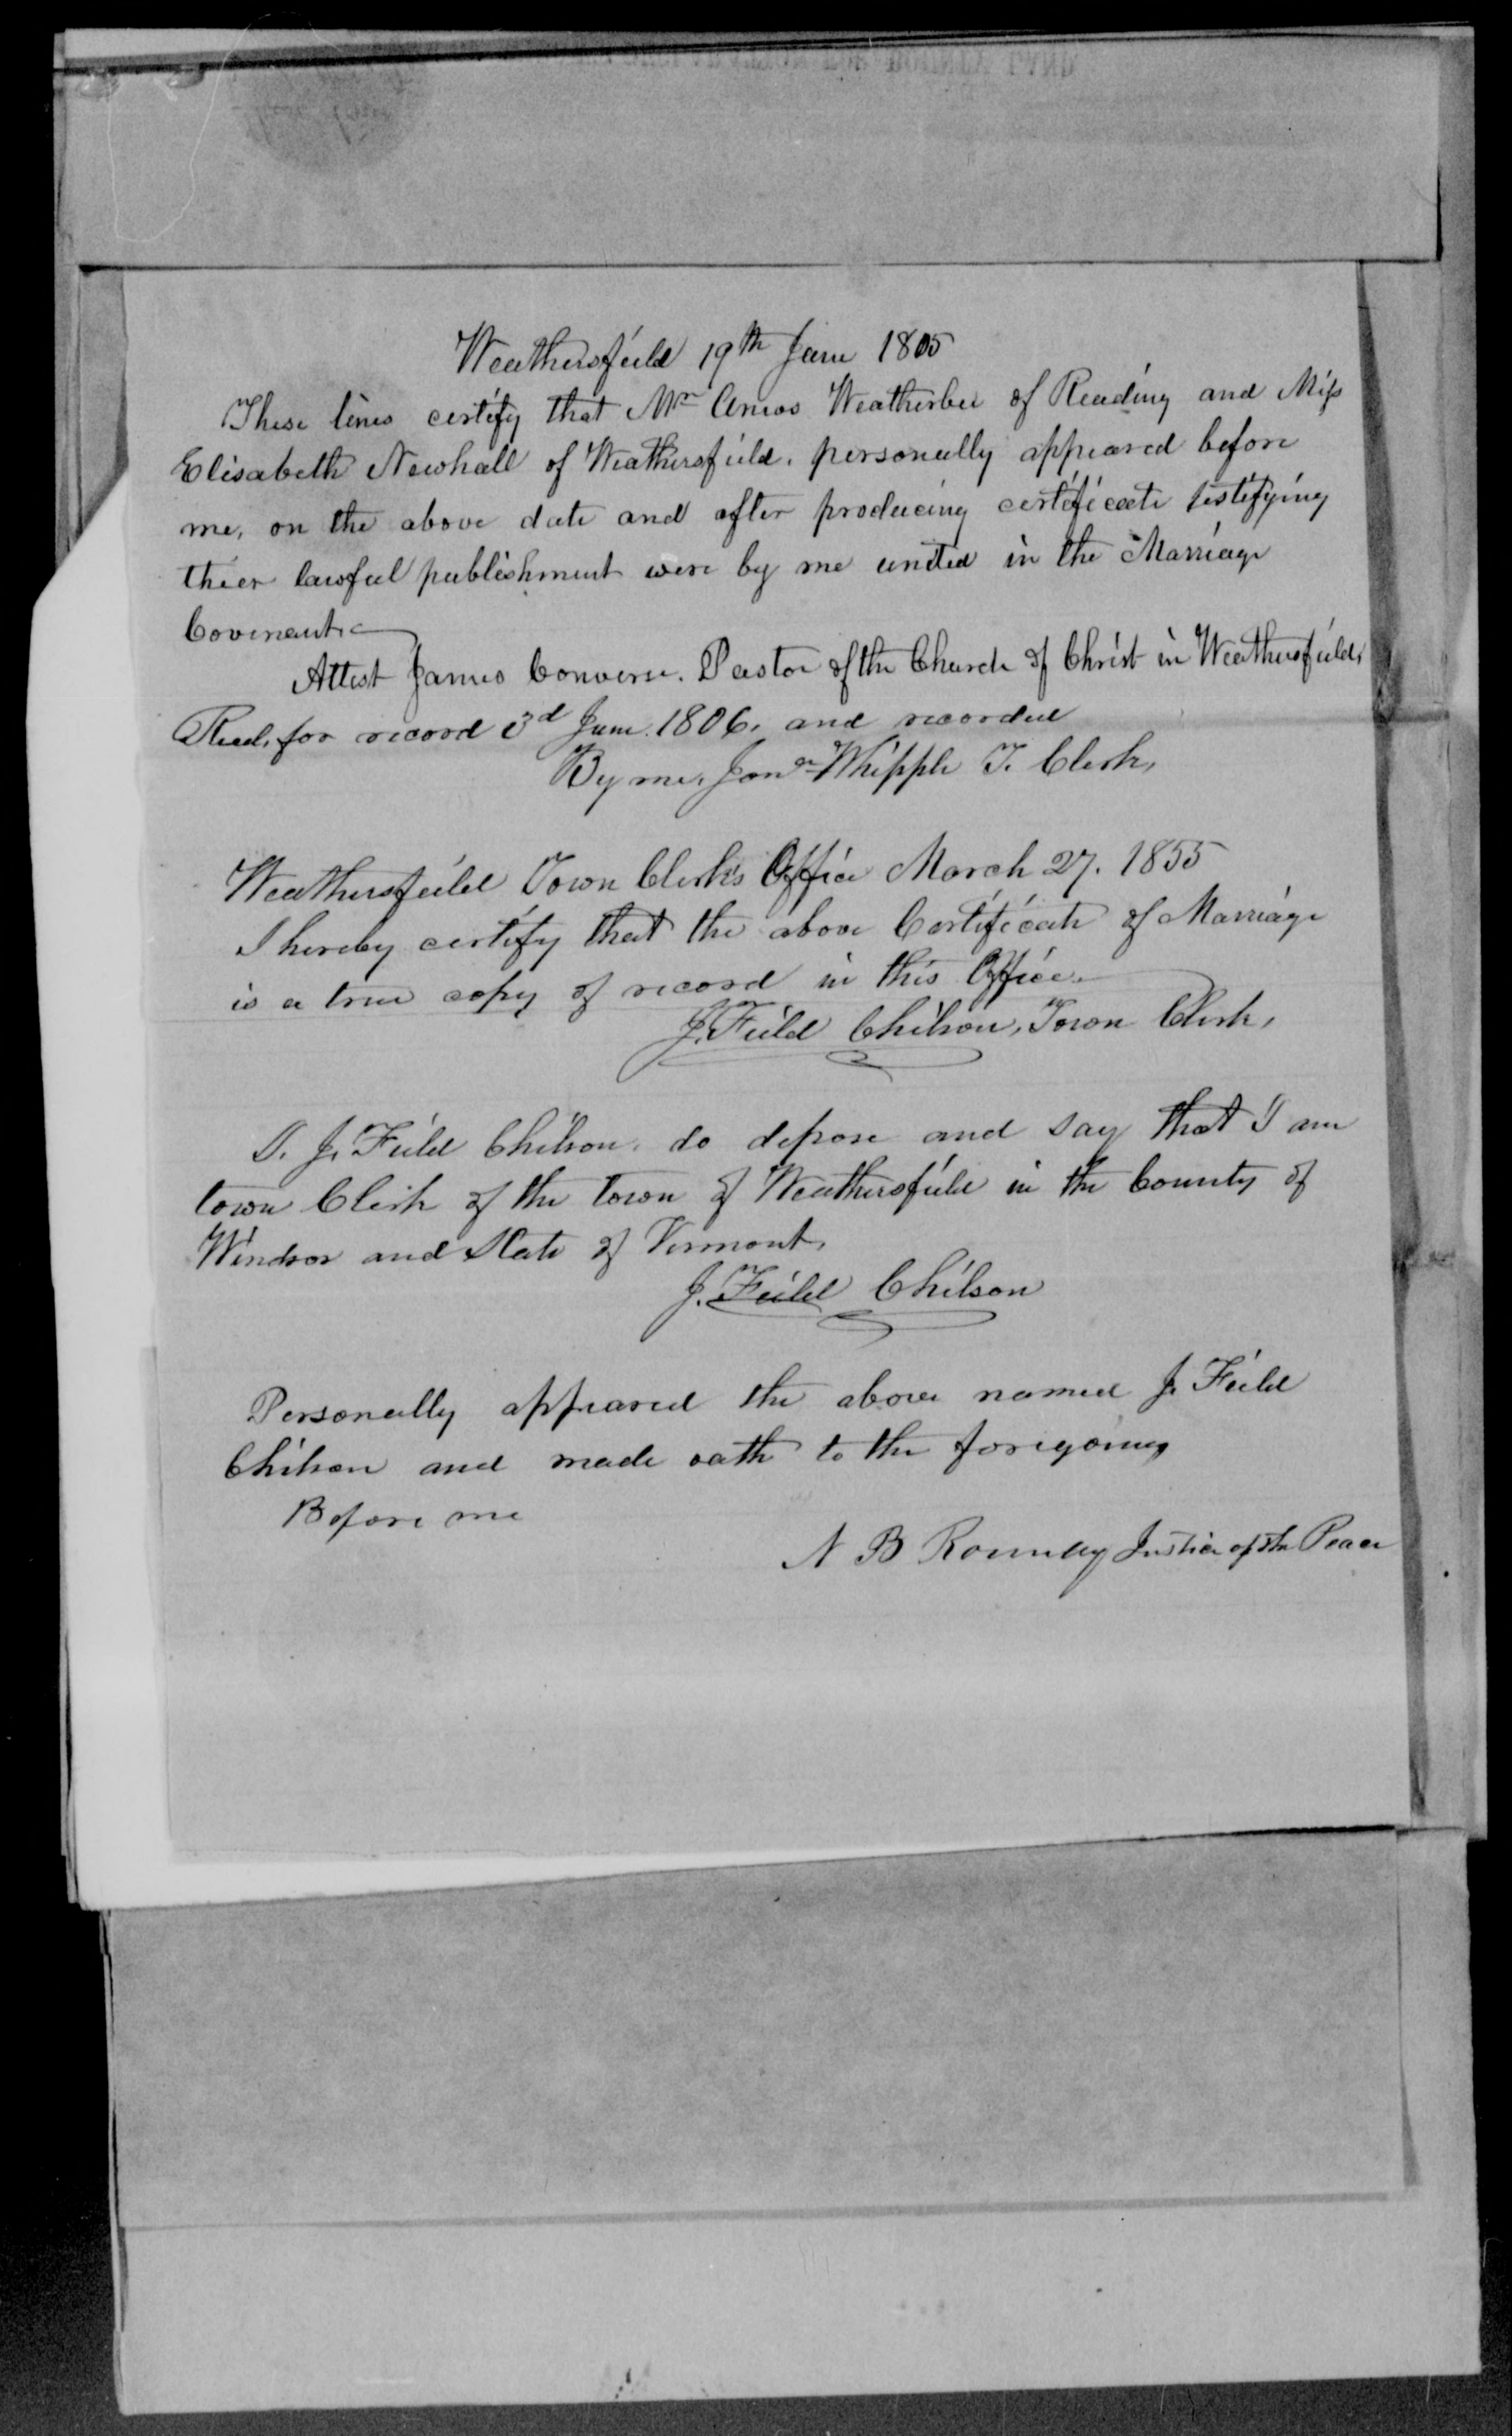Weathersfield 19th June 1805
These lines certify that Mr. Amos Weatherbee of Reading and Miss Elisabeth Newhall of Weathersfield, personally appeared before me, on the above date and after producing certificate testifying their lawful publishment were by me united in the Marriage Covenant.
Attest James Converse, Pastor of the Church of Christ in Weathersfield.
Rec'd for record 3rd June 1806, and recorded by me. Jon. Whipple T. Clerk

Weathersfield Town Clerks Office March 27, 1855
I hereby certify that the above Certificate of Marriage is a true copy of record in this Office.
J. Field Chilson, Town Clerk

I J. Field Chilson do depose and say that I am the town Clerk of the Town of Weathersfield in the County of Windsor and State of Vermont.
J. Field Chilson

Personally appeared the above named J. Field Chilson and made oath to the foregoing Before me N. B. Roundy Justice of the Peace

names: J Field Chilson, Elisabeth Newhall, Jonn Whipple, Amos Weatherbee, James Converse, N B Roundy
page: 8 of 66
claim: widow's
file: W. 2468, Amos Wetherbee, Mass.